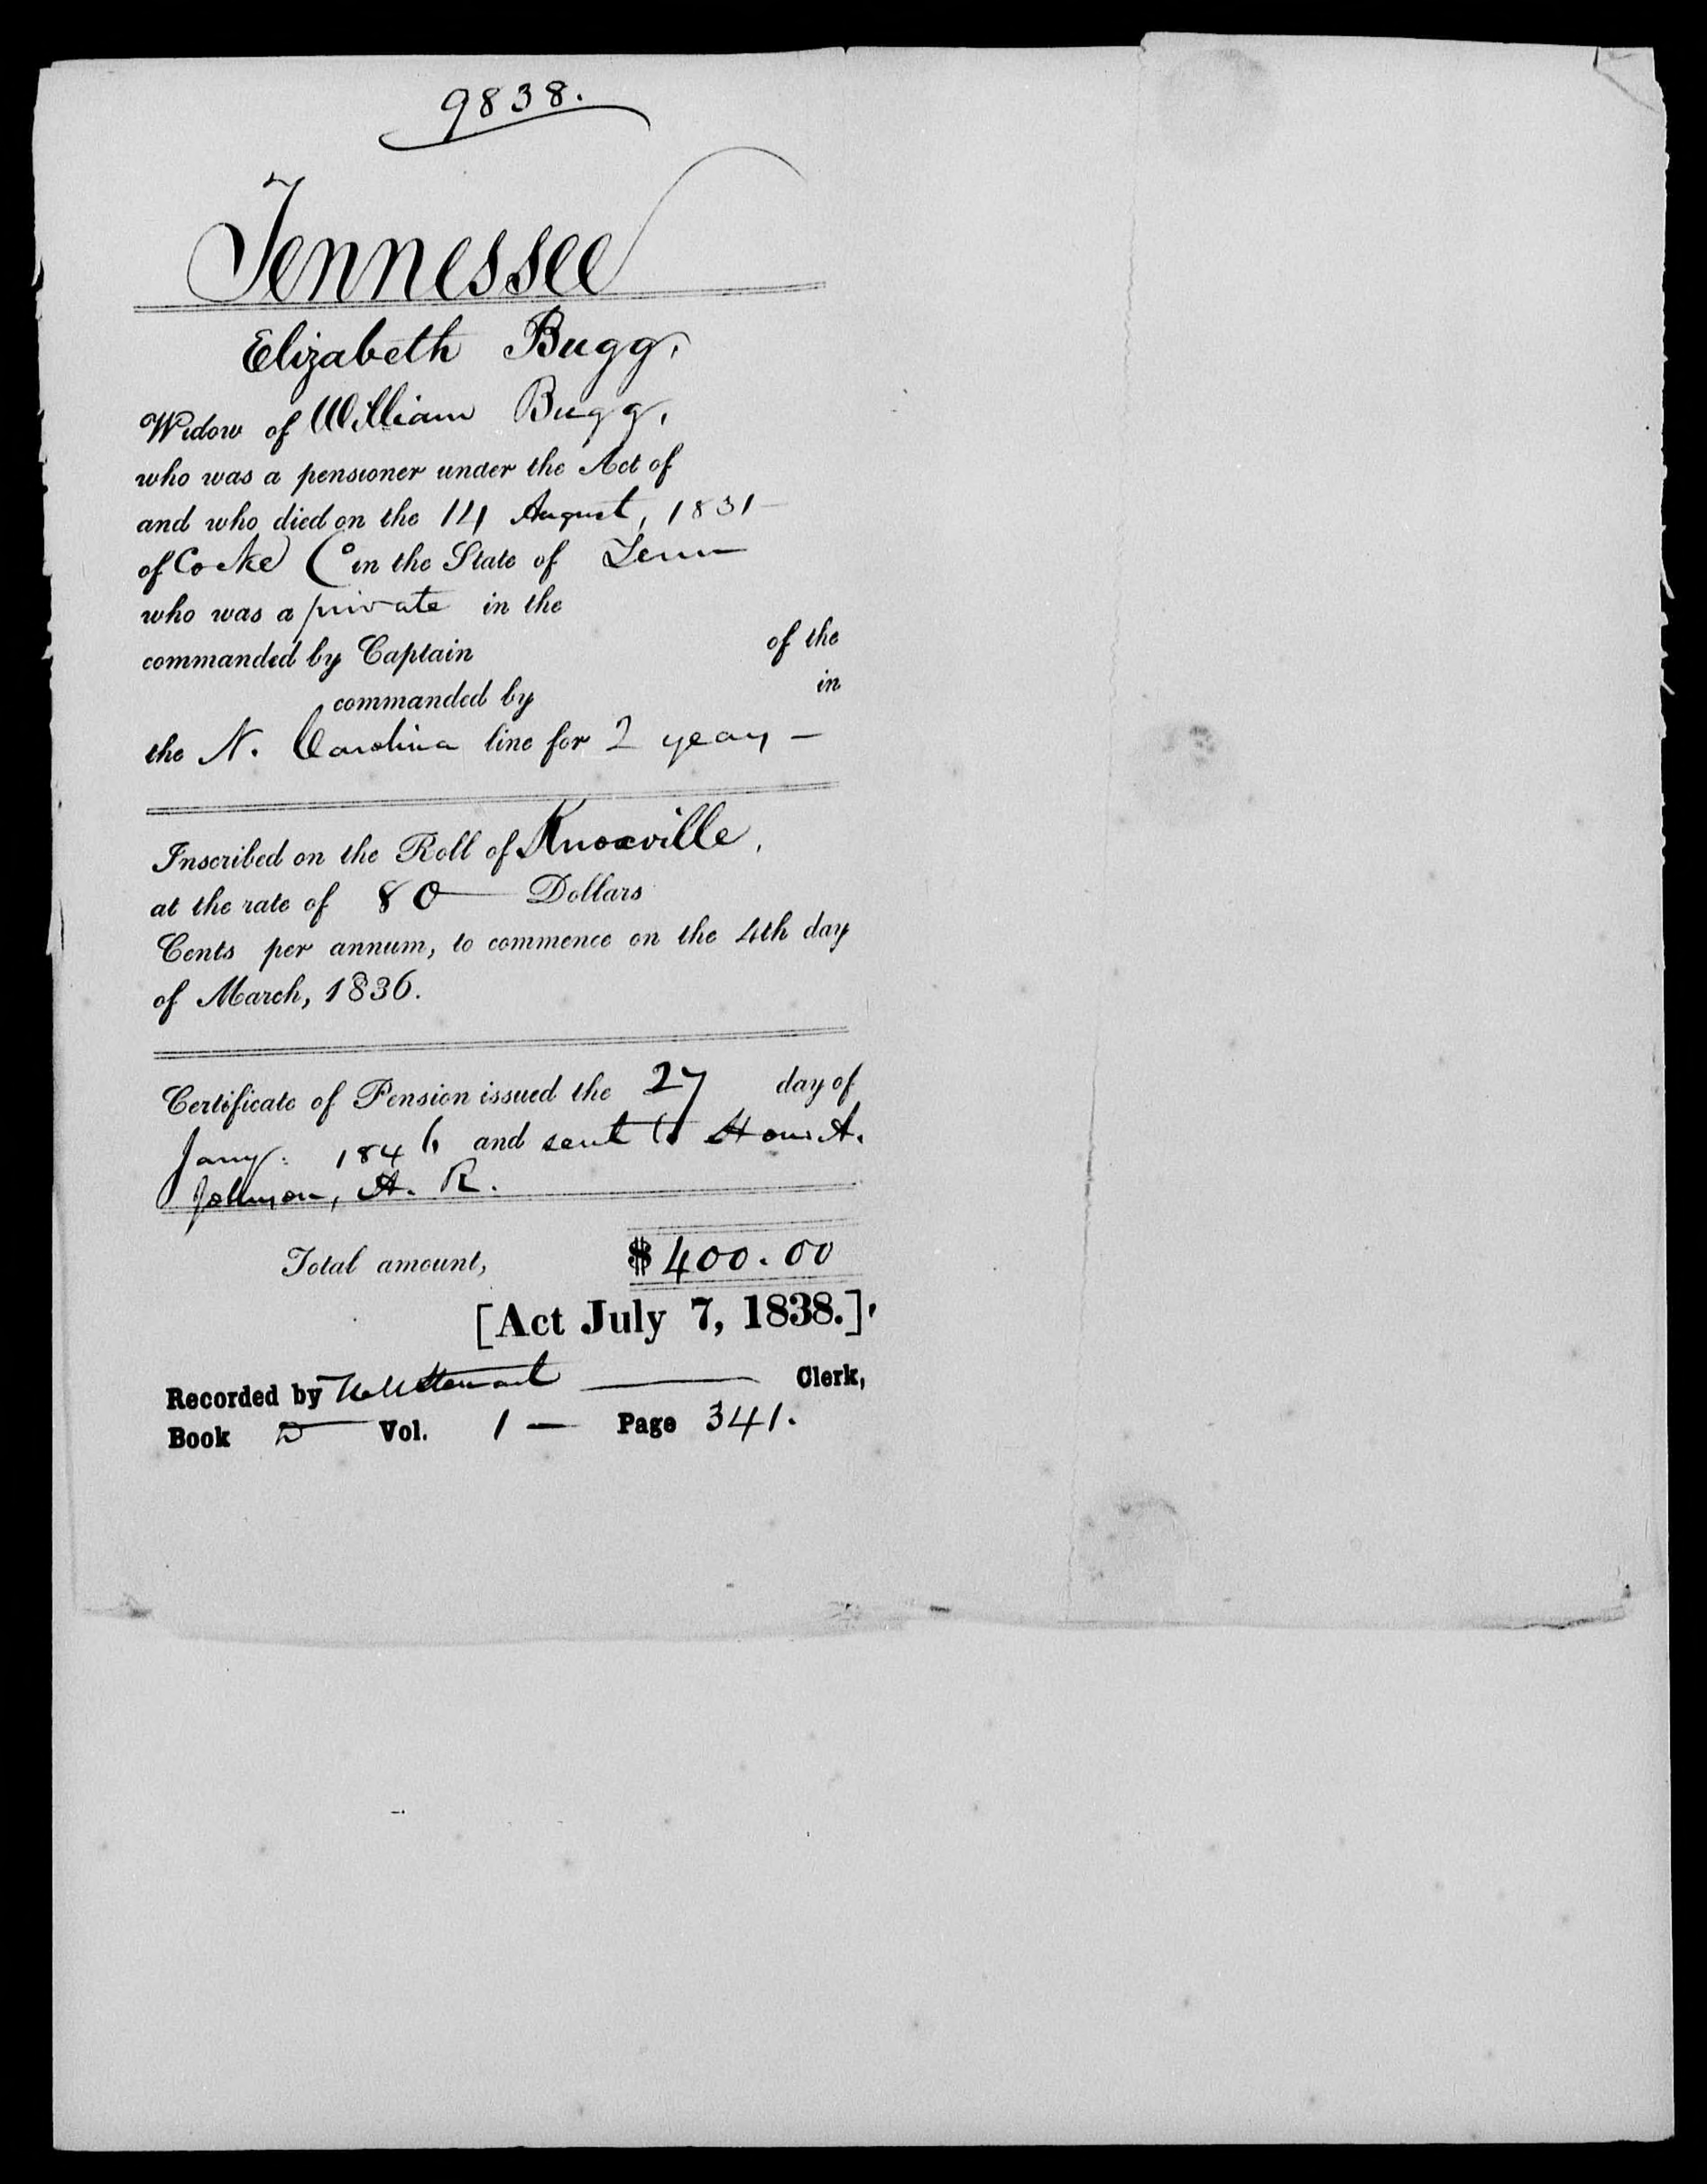9838 [underlined]

Tennessee
Elizabeth Bugg,
Widow of William Bugg, who was a pensioner under the Act of [blank] and who died on the 14 August, 1831- of Cocke Co in the State of Tenn who was a private in the [blank] commanded by Captain [blank] of the [blank] commanded by [blank] in the N. Carolina line for 2 years - 

Inscribed on the Roll of Knoxville, at the rate of 80 Dollars [blank] Cents per annum, to commence on the 4th day of March, 1836.

Certificate of Pension issued the 27 day of Jany: 1846 and sent to Hon. A. Johnson, H.R.

Total amount, $400.00
(Act July 7, 1838.],
Recorded by N M [or U M] Stewart, Clerk, Book D Vol. 1 - Page 341.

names: William Bugg, Elizabeth Bugg, W M Stewart, A Johnson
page: 2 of 50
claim: widow's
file: W. 898, William Bugg, N.C.